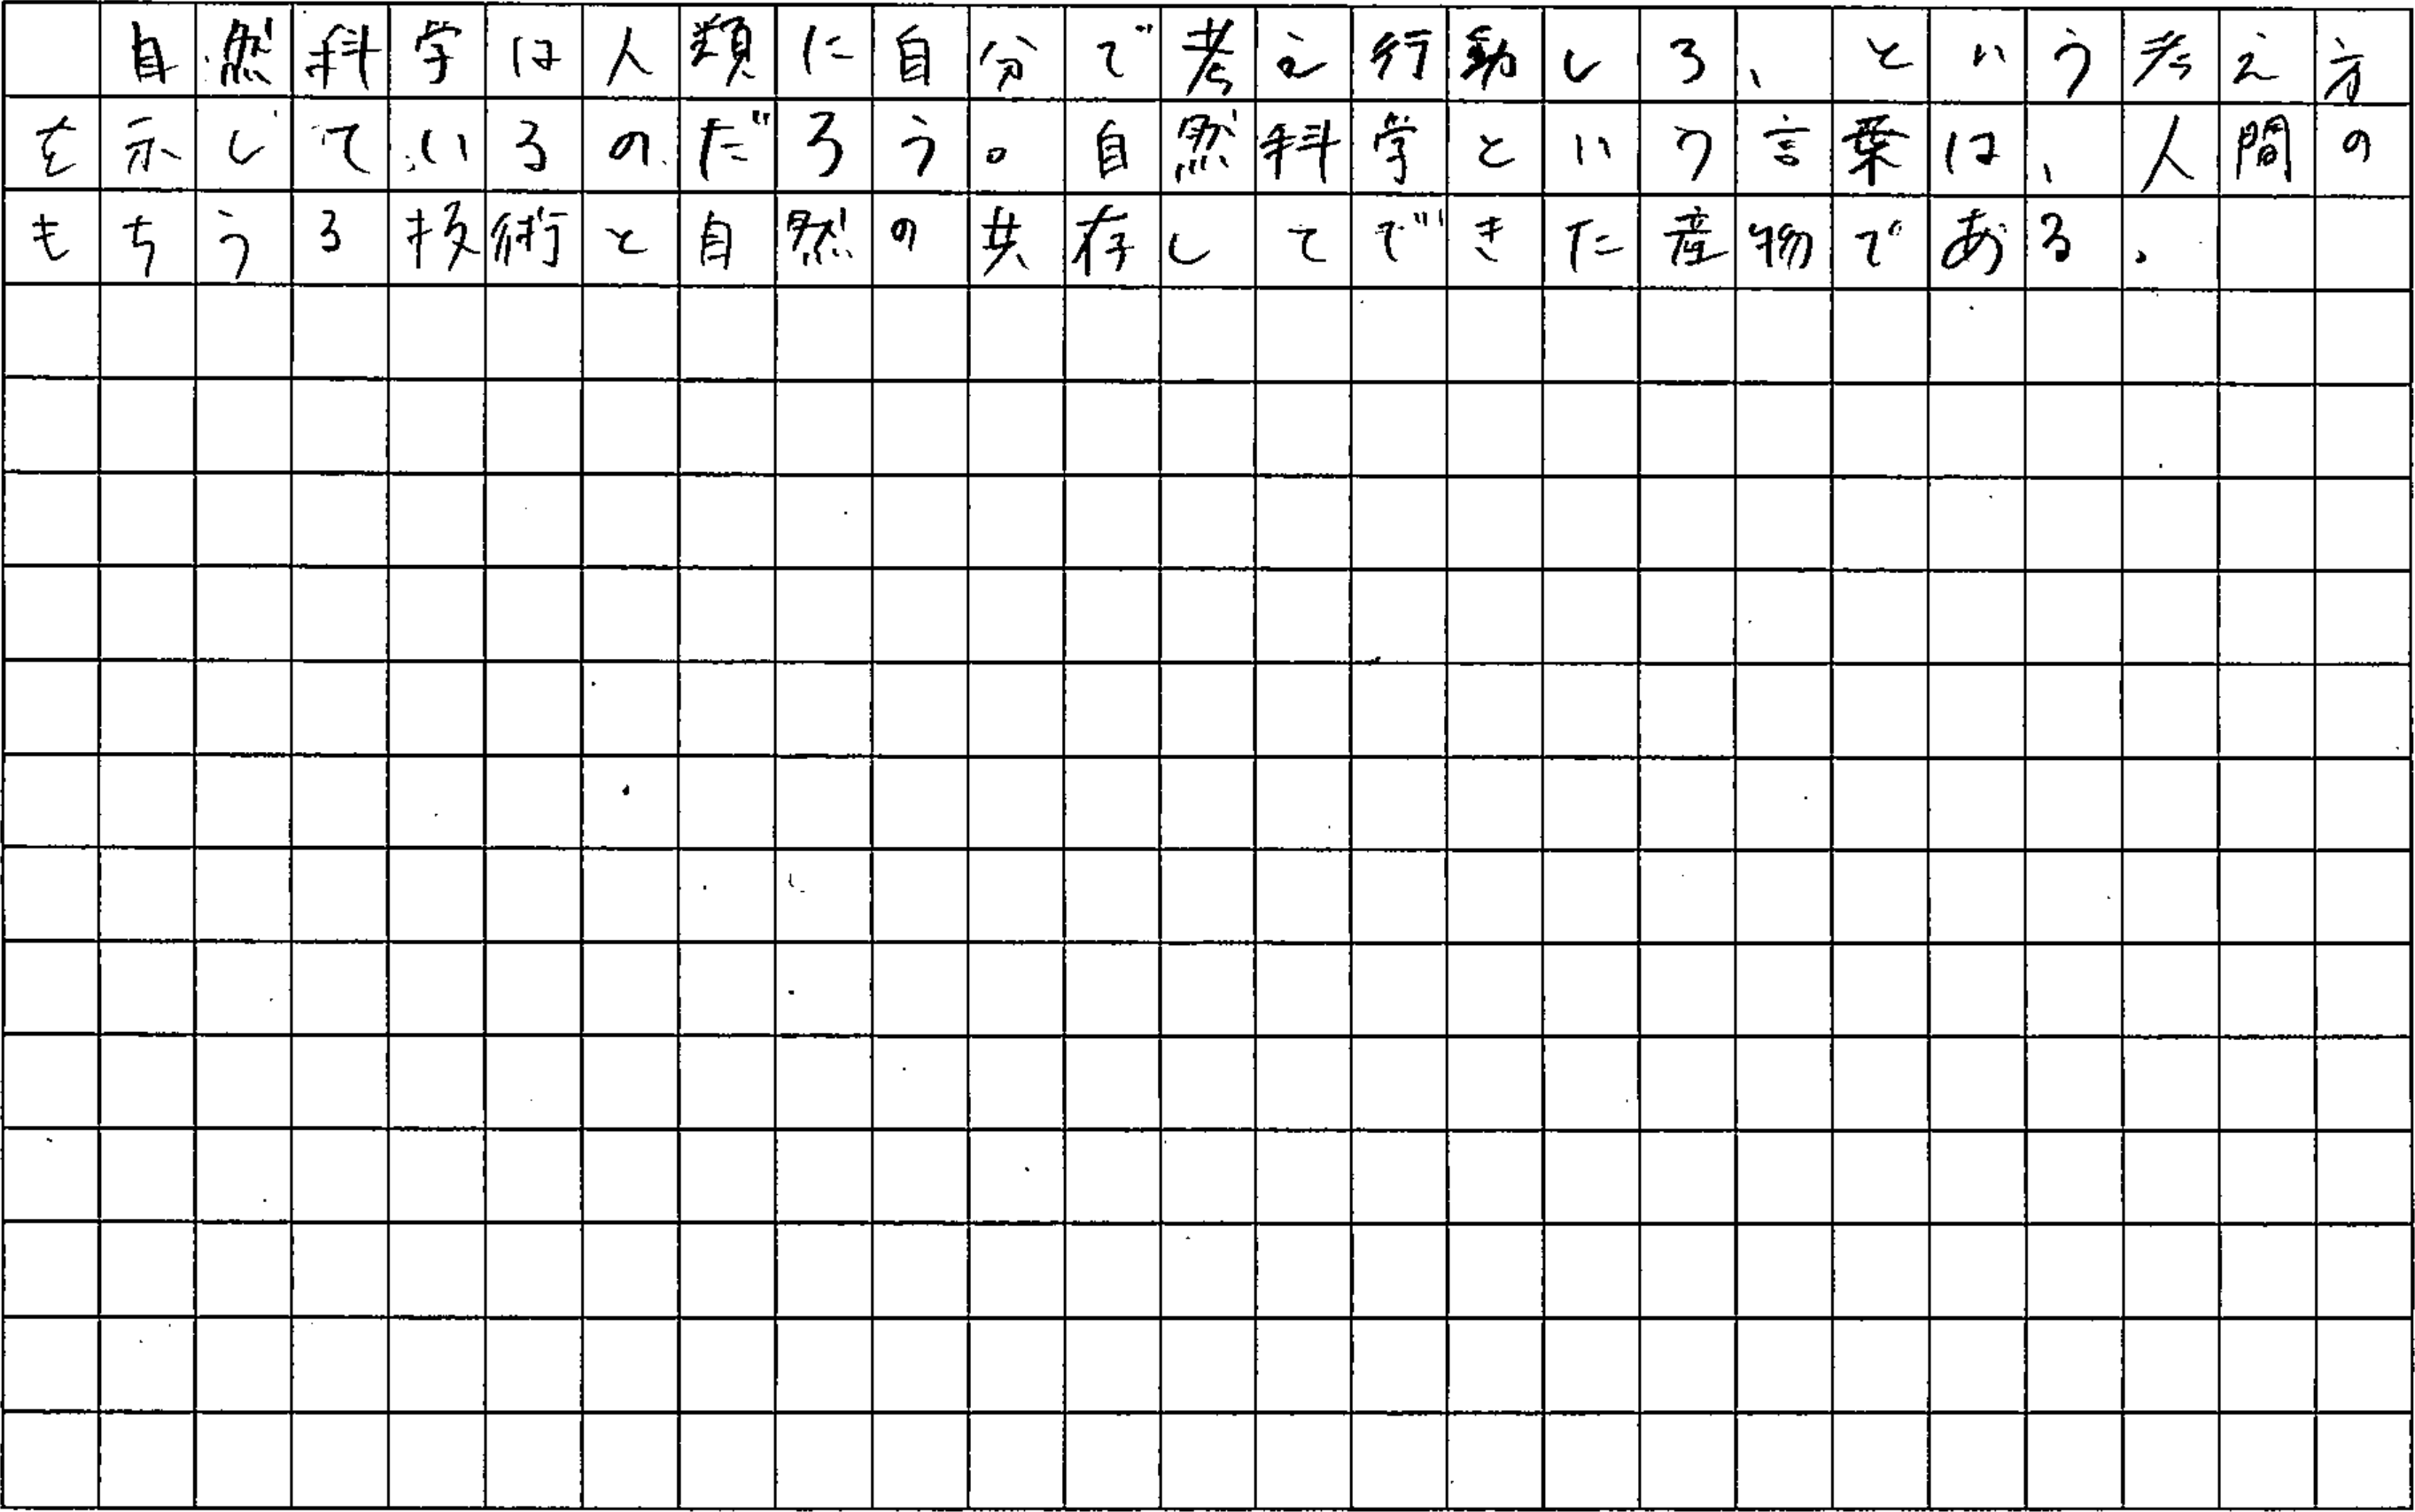　自然科学は人類に自分で考え行動しろ、という考え方を示しているのだろう。自然科学という言葉は、人間のもちうる技術と自然の共存してできた産物である。
